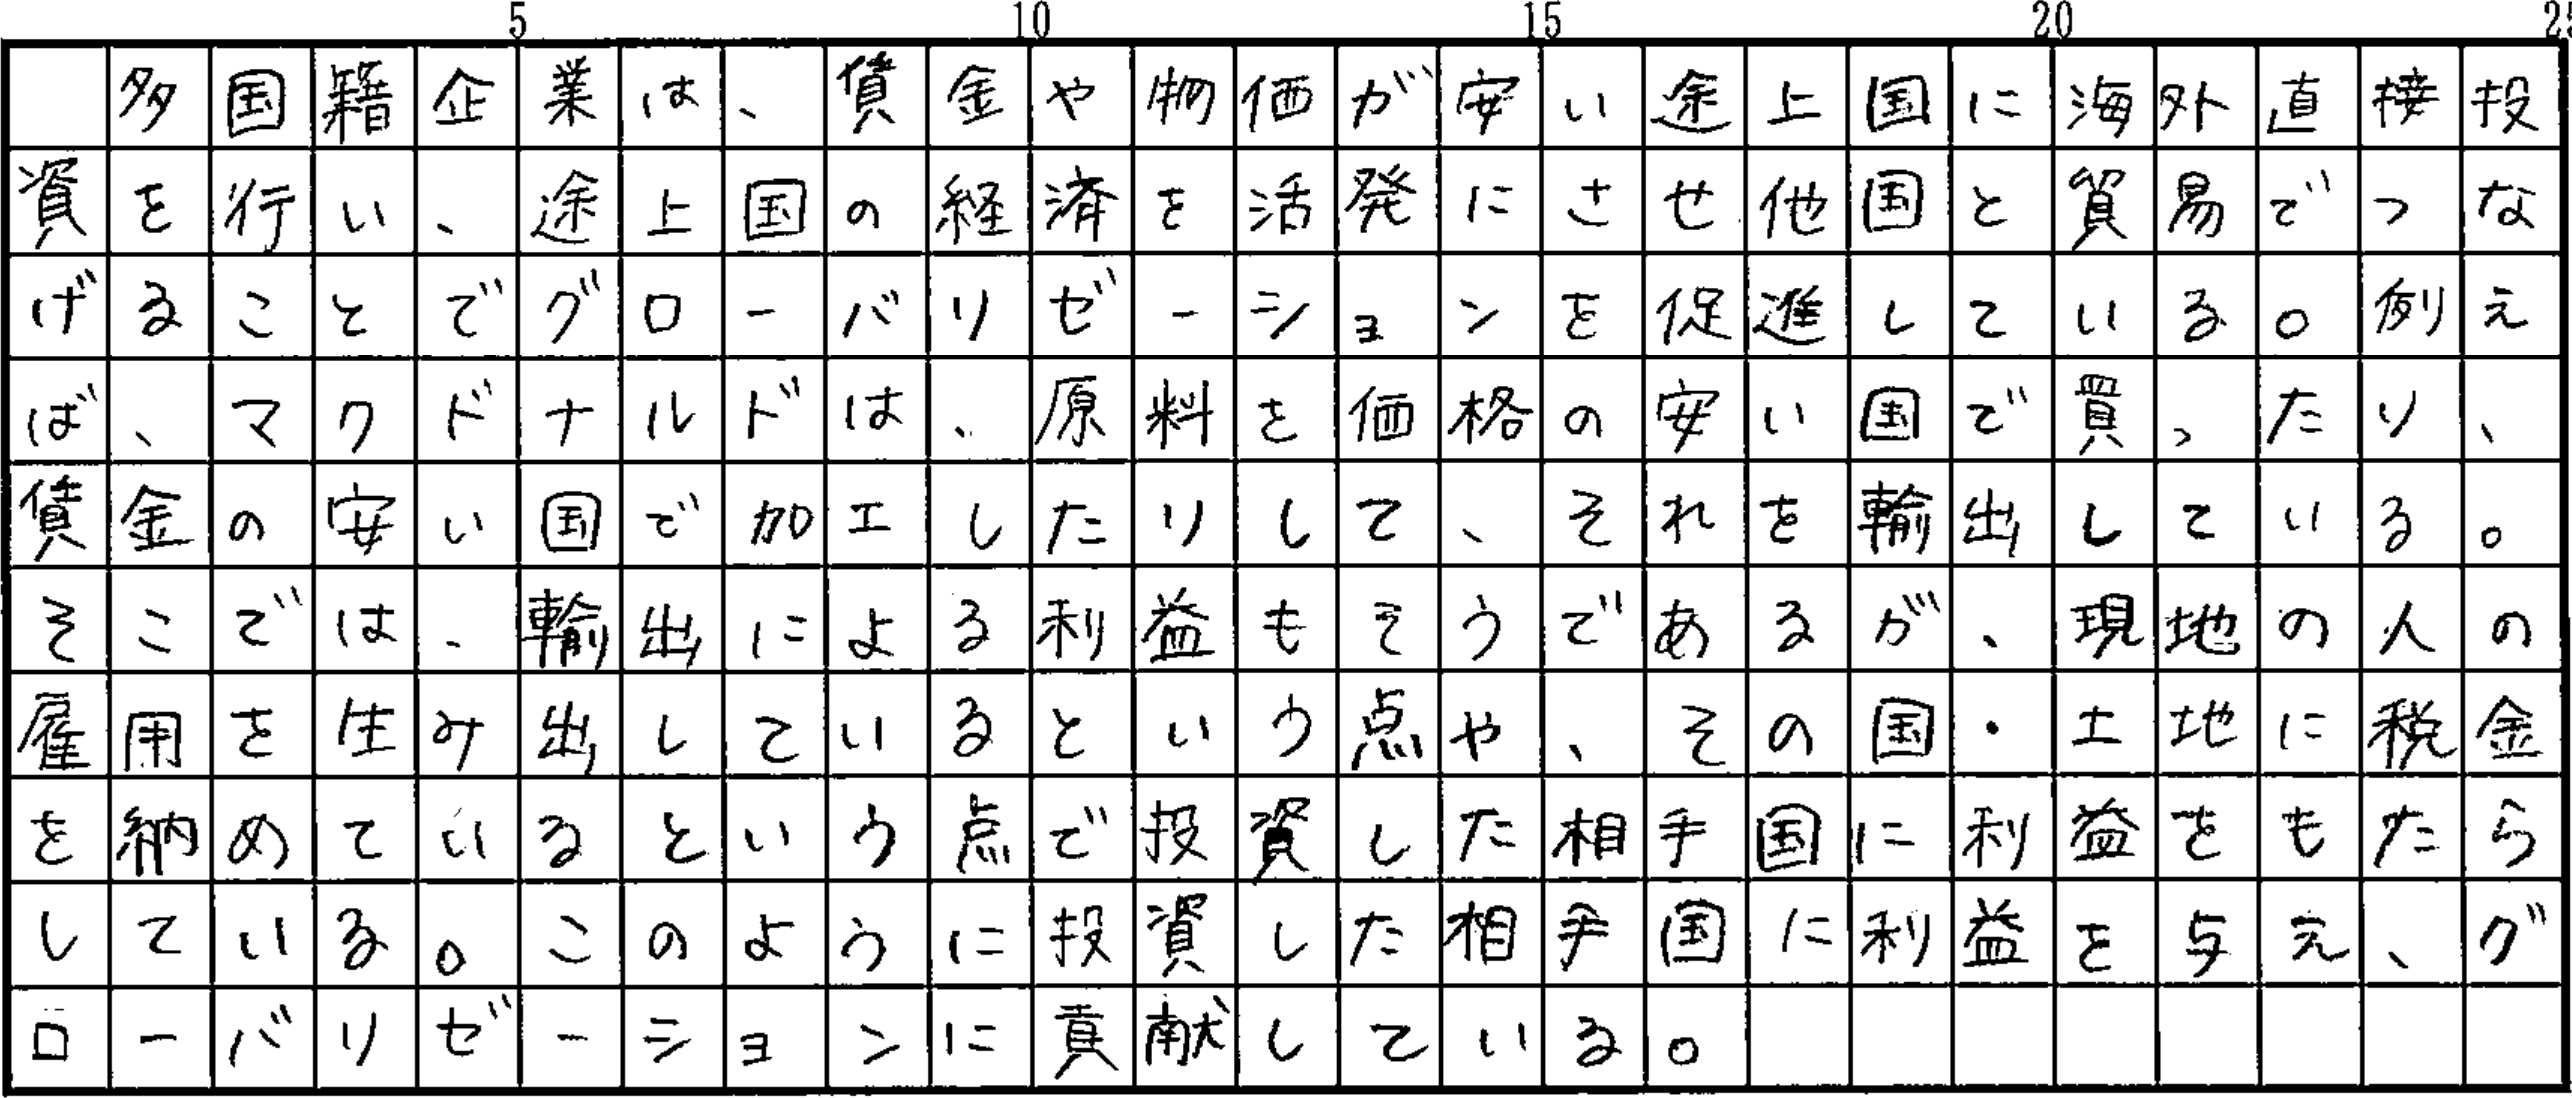　多国籍企業は、賃金や物価が安い途上国に海外直接投資を行い、途上国の経済を活発にさせ他国との貿易でつなげることでグローバリゼーションを促進している。例えば、マクドナルドは、原料を価格の安い国で買ったり、賃金の安い国で加工したりして、それを輸出している。そこでは、輸出による利益もそうであるが、現地の人の雇用を生み出しているという点や、その国・土地に税金を納めているという点で投資した相手国に利益をもたらしている。このように投資した相手国に利益を与え、グローバリゼーションに貢献している。
